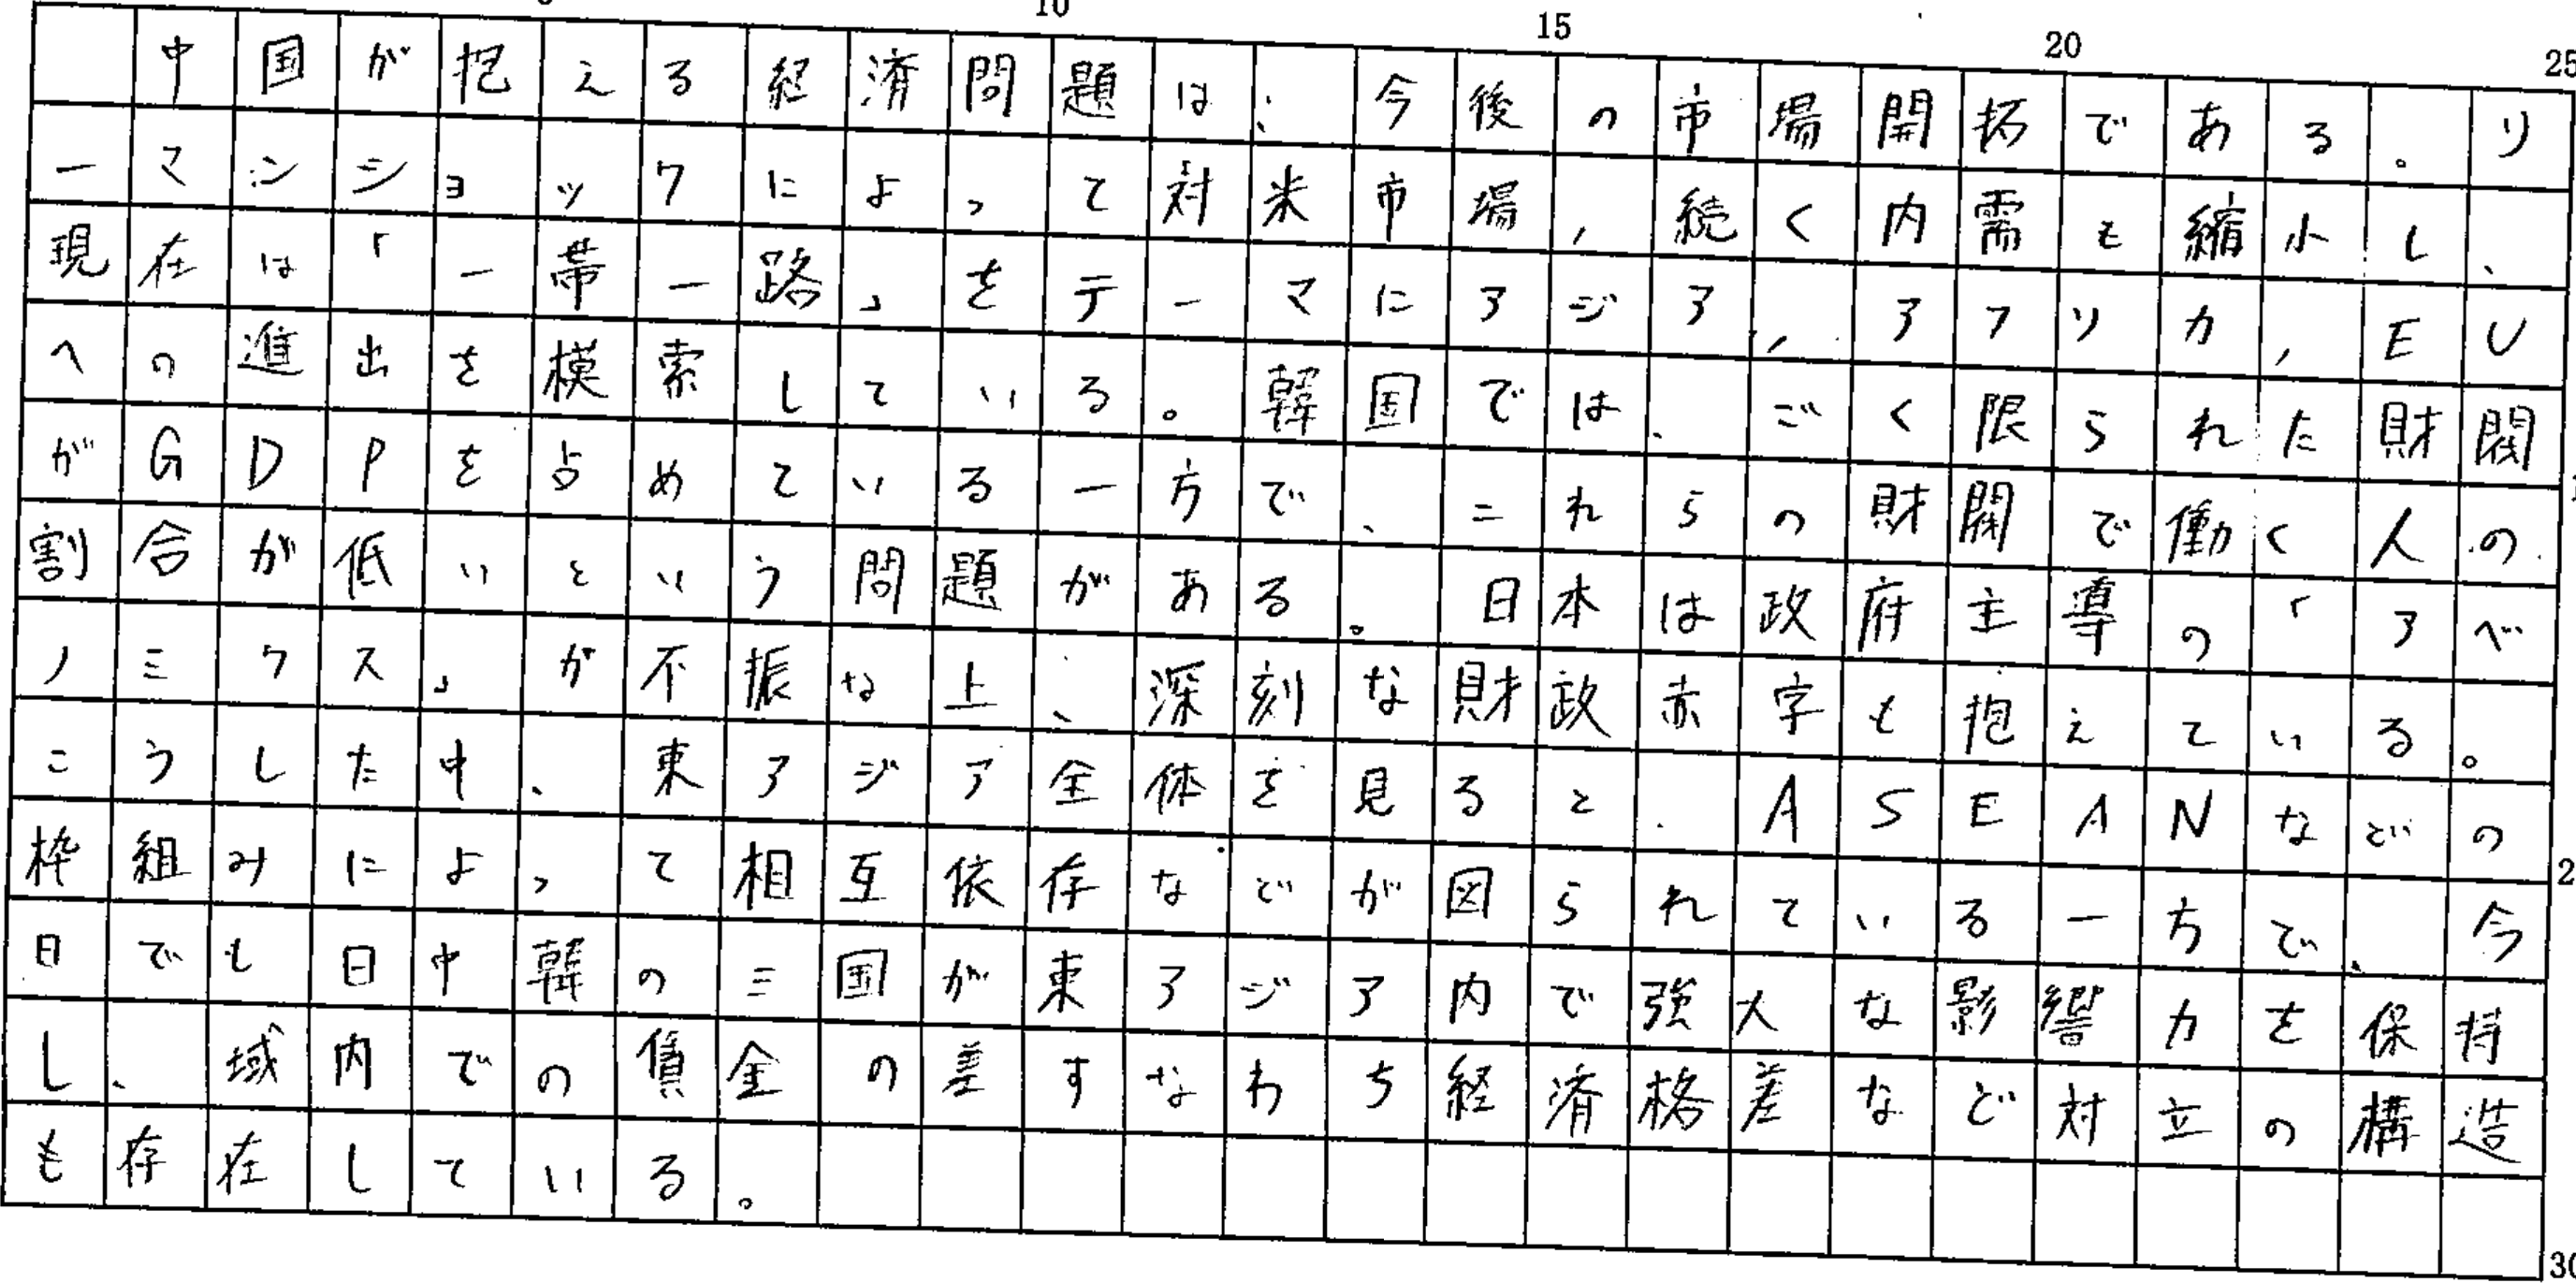　中国が抱える経済問題は、今後の市場開拓である。リーマンショックによって対米市場，続く内需も縮小し、現在は「一帯一路」をテーマにアジア，アフリカ，ＥＵへの進出を模索している。韓国では、ごく限られた財閥がＧＤＰを占めている一方で、これらの財閥で働く人の割合が低いという問題がある。日本は政府主導の「アベノミクス」が不振な上、深刻な財政赤字も抱えている。こうした中、東アジア全体を見ると、ＡＳＥＡＮなどの枠組みによって相互依存などが図られている一方で、今日でも日中韓の三国が東アジア内で強大な影響力を保持し、域内での賃金の差すなわち経済格差など対立の構造も存在している。
